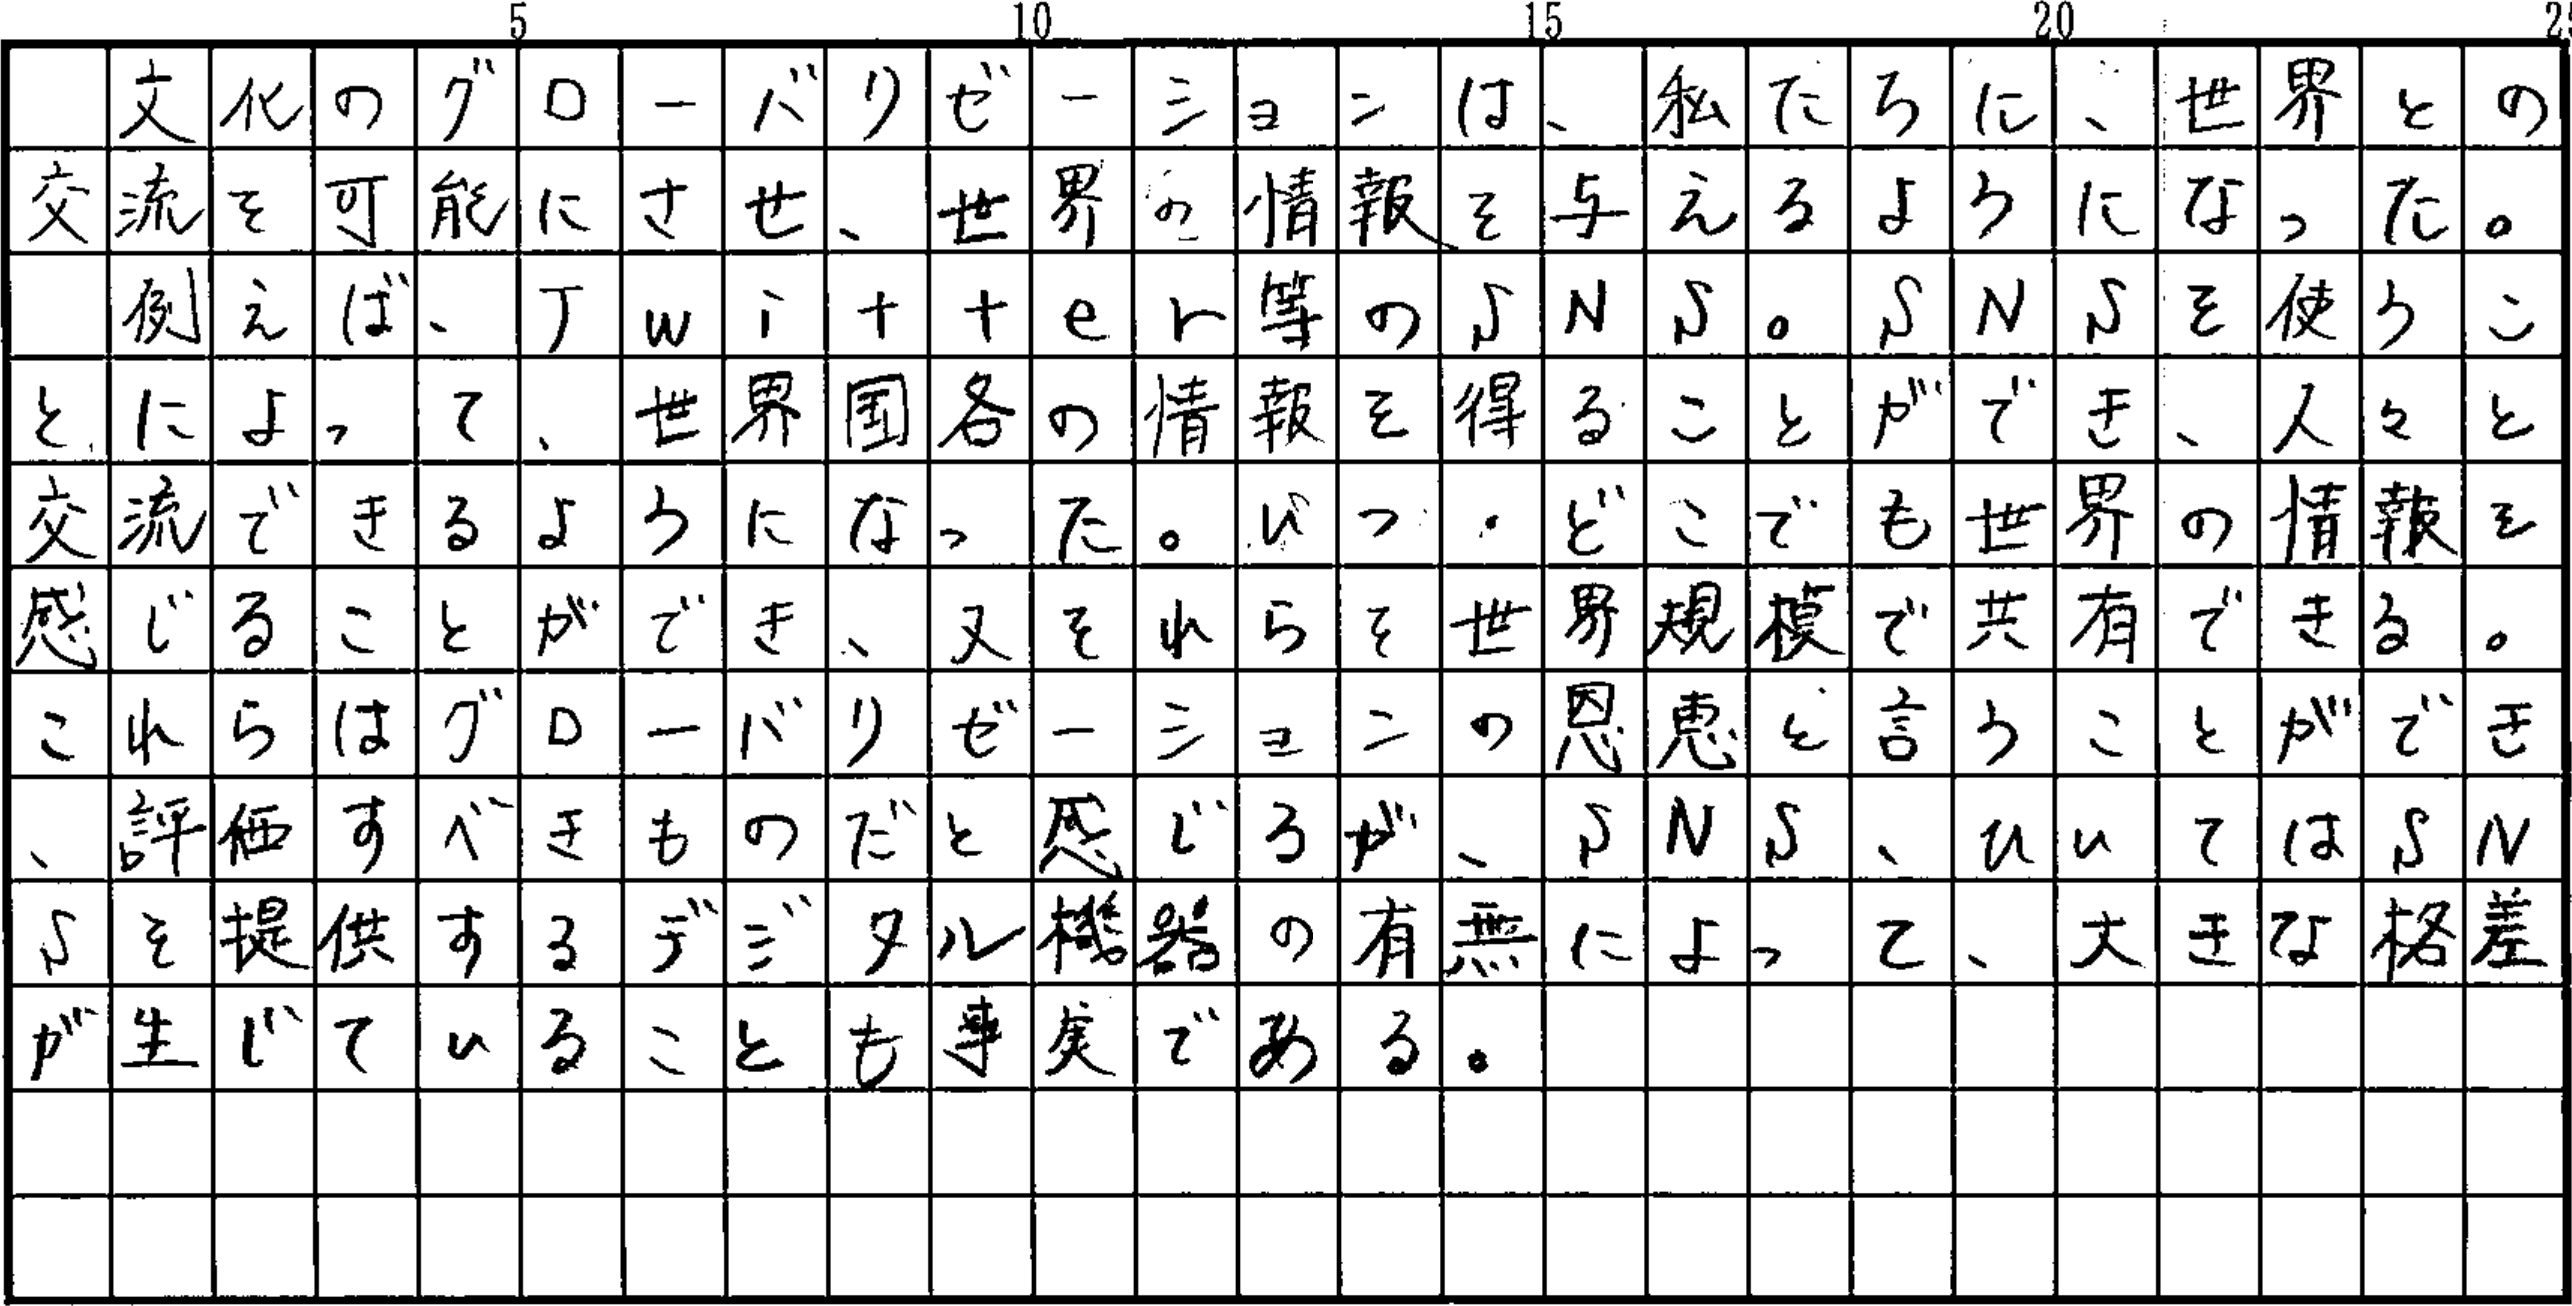　文化のグローバリゼーションは、私たちに、世界との交流を可能にさせ、世界の情報を与えるようになった。
　例えば、Ｔｗｉｔｔｅｒ等のＳＮＳ。ＳＮＳを使うことによって、世界国各の情報を得ることができ、人々と交流できるようになった。いつ・どこでも世界の情報を感じることができ、又それらを世界規模で共有できる。これらはグローバリゼーションの恩恵と言うことができ、評価すべきものだと感じるが、ＳＮＳ、ひいてはＳＮＳを提供するデジタル機器の有無によって、大きな格差が生じていることも事実である。
